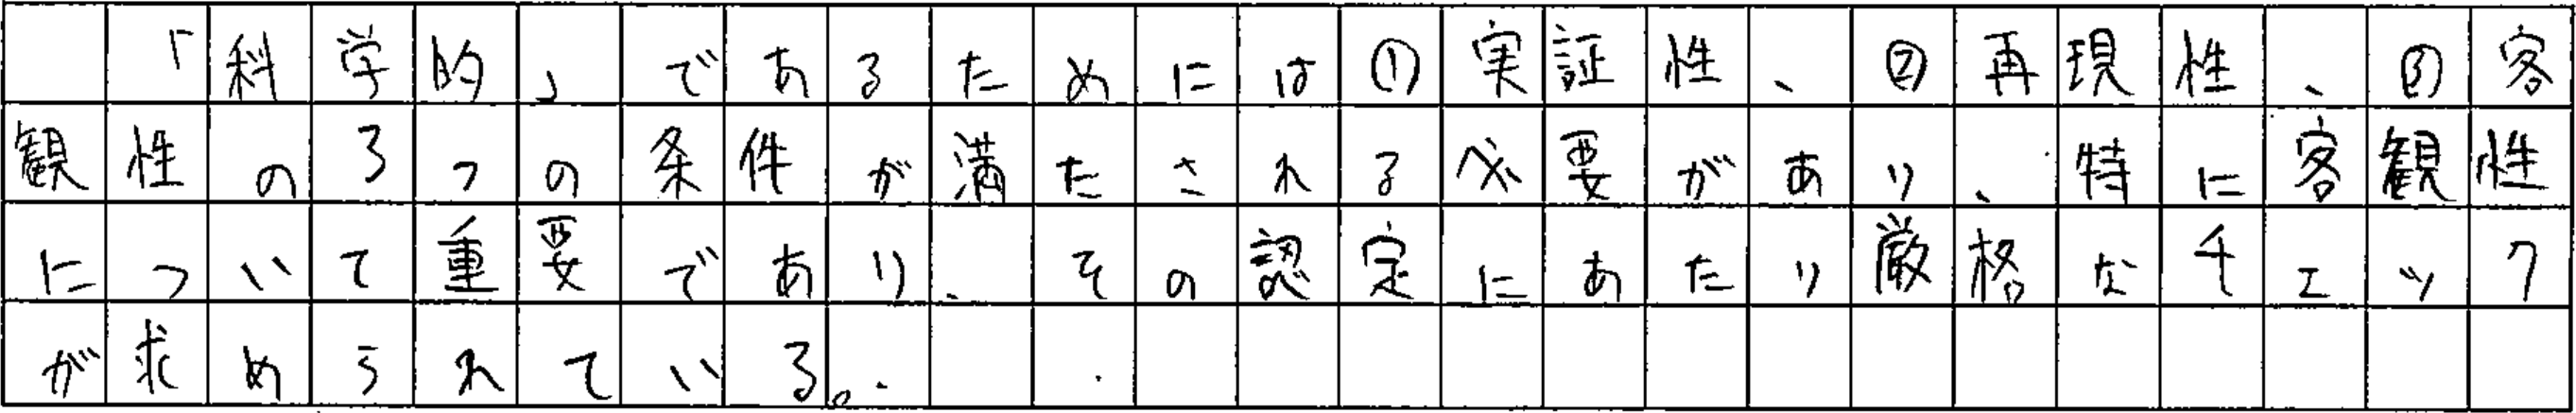　「科学的」であるためには①実証性、②再現性、③客観性の３つの条件が満たされる必要があり、特に客観性については重要であり、その認定にあたり厳格なチェックが求められている。
